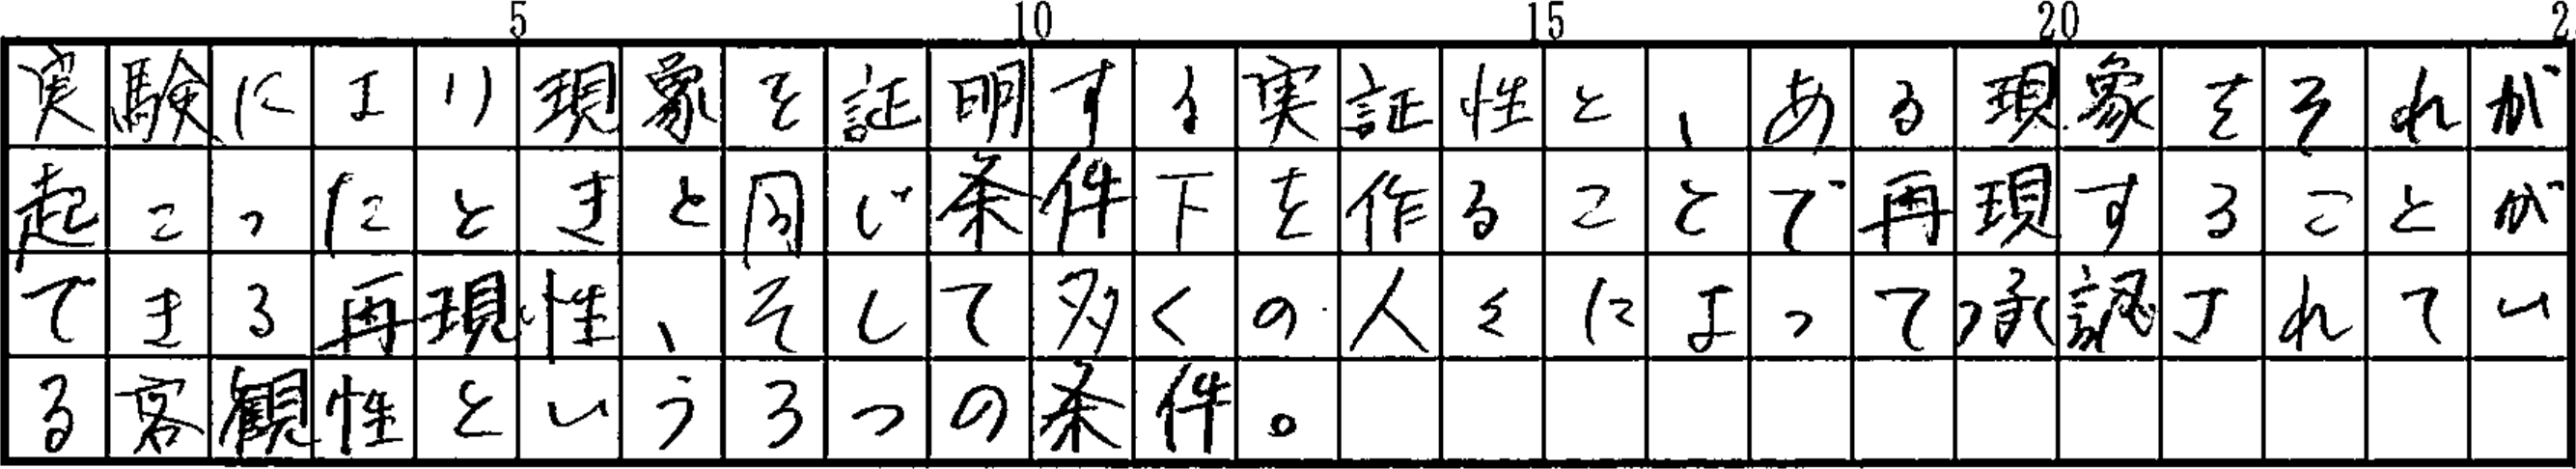実験により現象を説明する実証性と、ある現象をそれが起こったときと同じ条件下を作ることで再現することができる再現性、そして多くの人々によって承認されている客観性という３つの条件。
